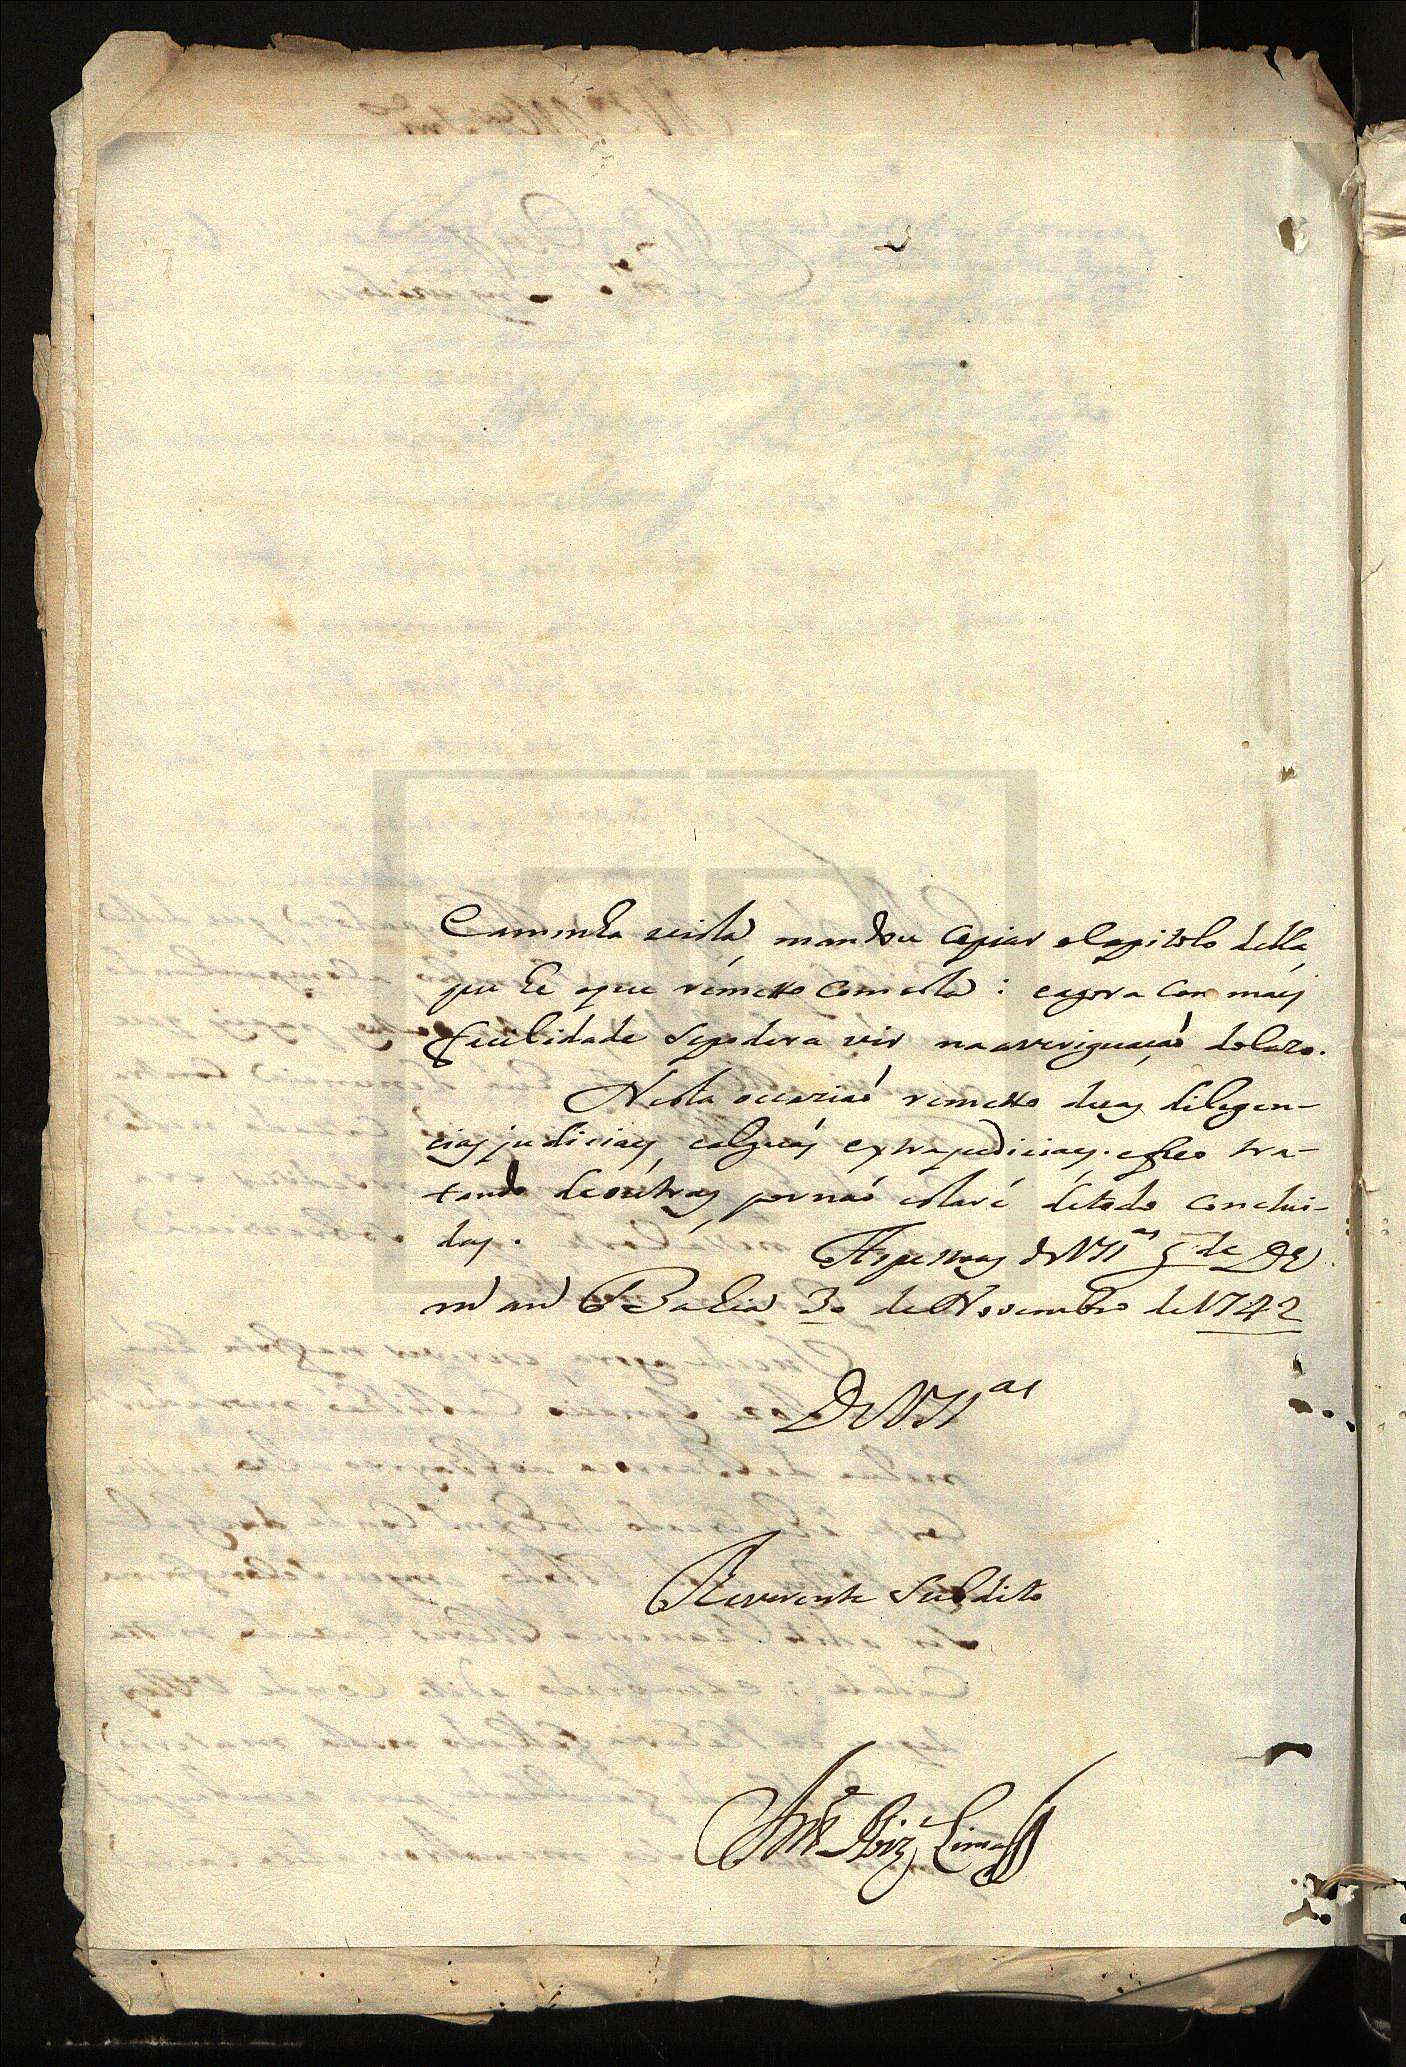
e a minha vista, mandou copiar o capitolo della,
que he o que remetto com esta: e agora com mais
facilidade se podera vir, na averiguaçaõ do Cazo.
Nesta occaziaõ remetto duas diligen
cias judiciaes, e alguās extrajudiciaes; e fico tra
tando de outras por naõ estarē de todo conclui
das.
As pessoas de VSsas g.de DE.
m̄ an̄ Bahia 30 de Novembro de 1742
Ds VSSas
Reverente Subdito
Anto Roiz̄ Lima
